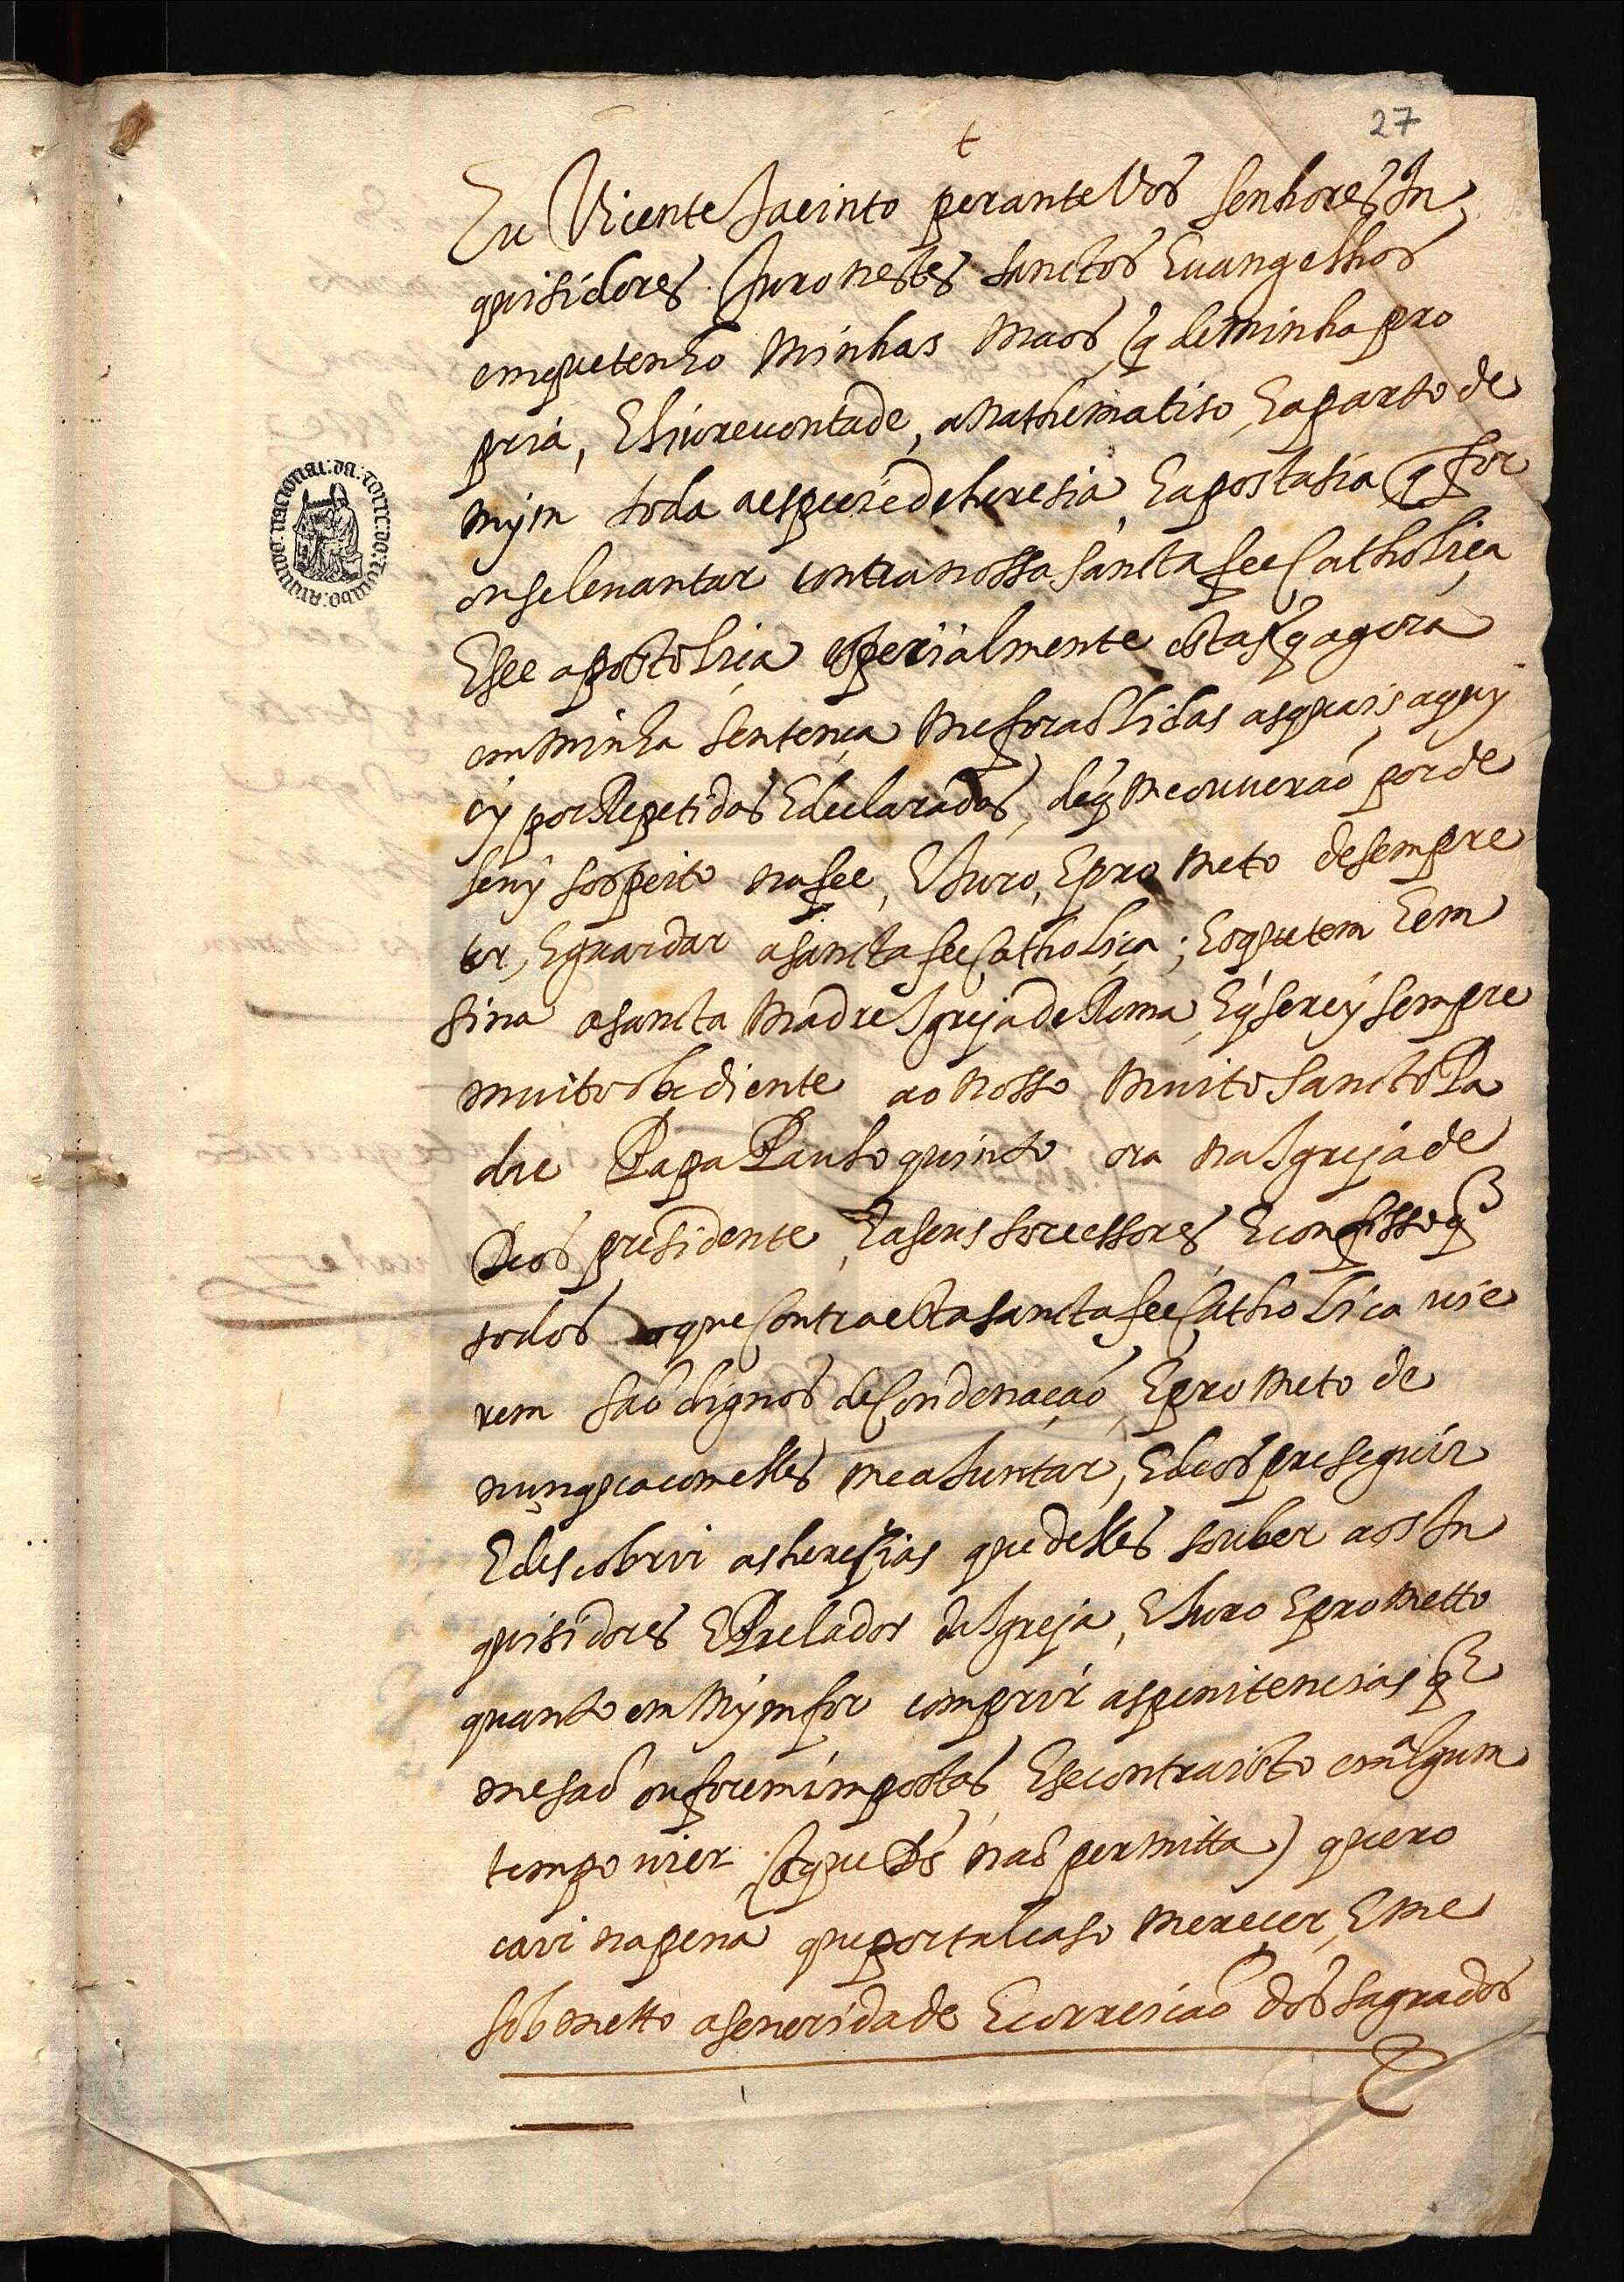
Eu Vicente Jacinto perante Vos Senhores In
quisidores Juro nestes Sanctos Euangelhos
em que tenho minhas maõs q̄ de minha pro
pria, E liure uontade, anathematiso, E aparto de
mym toda a especie de heresia, E apostasia q̄ for
ou se leuantar contra nossa sancta fee Catholica
E see apostolica especialmente estas q̄ agora
em minha sentença me foraõ lidas as quais aquy
ey por Repetidas E declaradas, de q̄ me ouueraõ por de
leuy sospeito na fee, E Iuro, E prometo de sempre
ter, E guardar a sancta fee Catholica; E o q̄ tem E em
sina a sancta madre Igreja de Roma, E q̄ serey sempre
muito obediente ao nosso muito sancto Pa
dre Papa Paulo quinto ora na Igreja de
Deos presidente, E a seus soccessores E confesso q̄
todos o que Contra esta sancta fee Catholica uie
rem saõ dignos de Condenaçaõ E prometo de
nunqua com elles me aIuntar, E de os preseguir
E descobrir as heresias que delles souber aos In
quisidores E Prelados da Igreja, E Iuro E prometto
quanto em mym for comprir as penitencias q̄
me saõ ou forem impostas E se contra isto em algum
tempo uier (o que Ds̄ naõ permitta) quero
cair na pena que por tal caso merecer, E me
sobmetto a seueridade E correiçaõ dos sagrados
